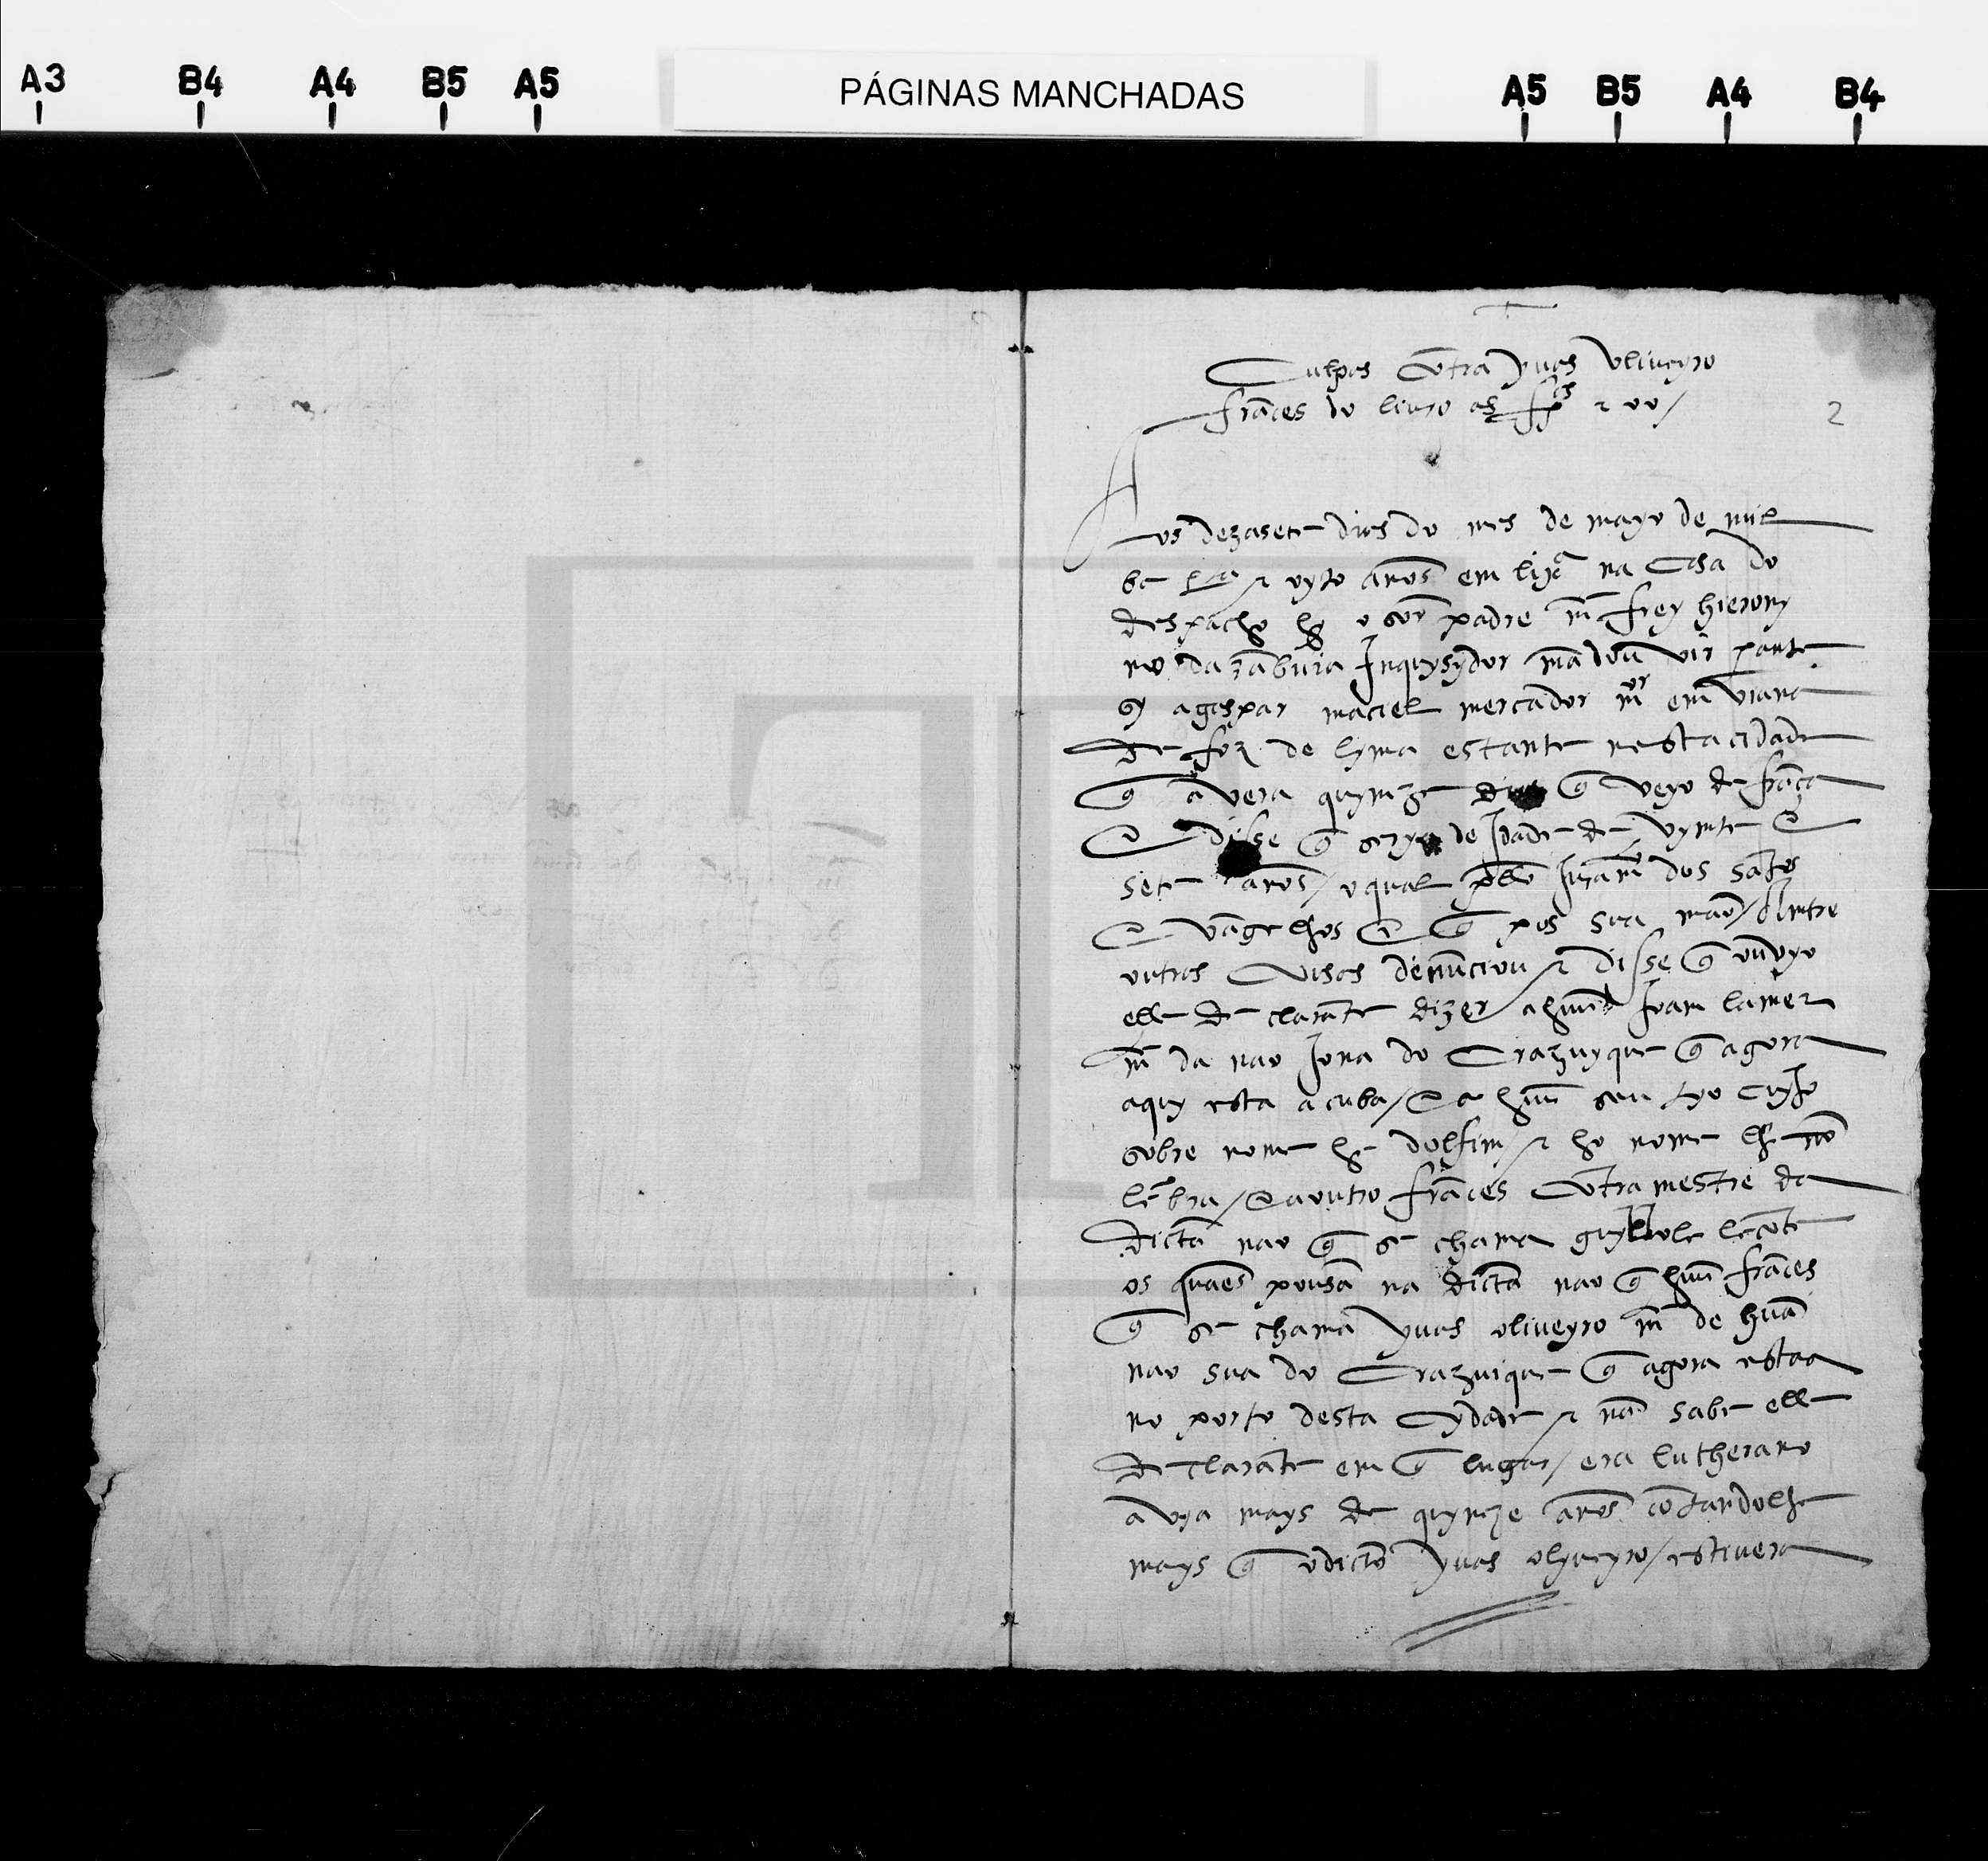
Culpas cōtra yuas vliueyro
frāces do liuro as fsas 200/
Aos dezasete dias do mes de mayo de mil
bc Lta e oyto an̄os em lixa na Casa do
despacho hy o sōr padre me frey hierony
mo dazābuia Jnquysydor m̄adou vir ꝑante
sy a gaspar maciel mercador mor em viana
da foz de lyma estante nesta cidade
q̄ avera quymze dias q̄ veyo de frāça
e disse q̄ serya de Jdade de vymte e
sete an̄os o qual p̄llo Juramto dos sātos
evāgelhos ē q̄ pos sua mão / Amtre
outras coisas denūciou e disse q̅ ouvyo
elle declarāte dizer a hu̅u Joam lamer
mte da nao Jona do Crazuyque q̄ agora
aquy esta a cuba / e a hu̅u seu tyo cuyJo
sobre nome he dolfim e ho nome lhe nō
lēbra / e a outro frāces Cōtra mestre da
dict̄a nao q̅ se chama guyllole lecōte
os qu̅aes pousā na di̅cta nao q̅ hu̅u frāces
q̄ se chama yuas oliueyro mte de hu̅a
nao sua do Crazuique q̄ agora estaa
no porto desta Cydade e nā sabe elle
declara̅te em q̅ lugar / era lutherano
avya mays de quynze an̄os cōtandolhe
mays q̄ o dicto yuas olyueyro / estiuera
